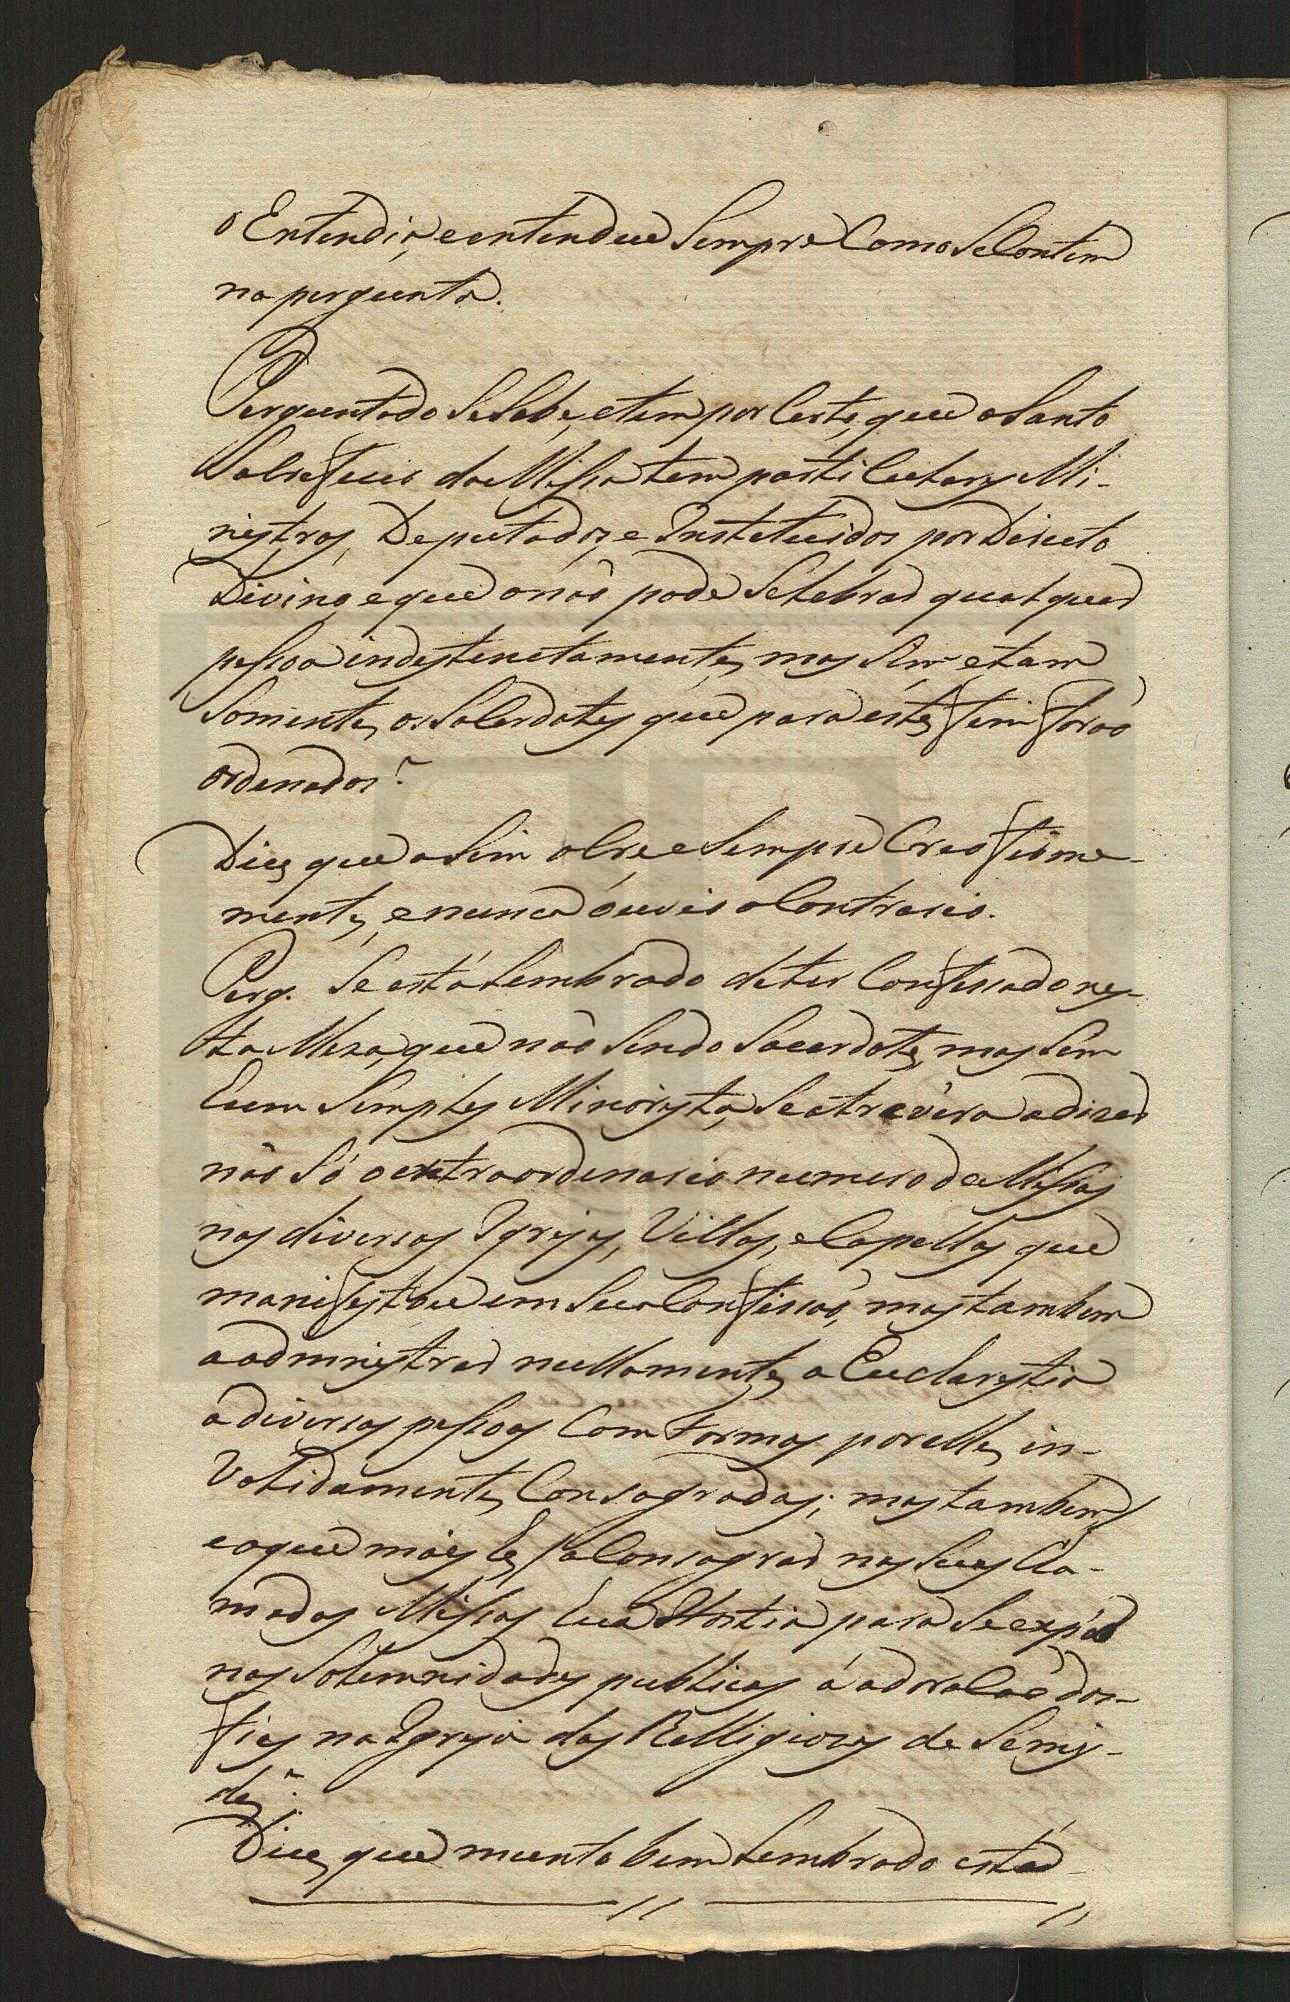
o Entendia, e entendeu Sempre Como se Contem
na pergunta.
Perguntado Se sabe, e tem por Certo que o Santo
Sacreficio da Missa tem partiCulares Mi
nistros, Deputados e Instetuidos por Directo
Divino, e que o naõ pode Selebrar qualquer
pessoa indestinctamente mas sim e tam
Somente os SaCerdotes que para este fim foraõ
ordenados?
Dice que aSim o Cre e Sempre Creo firme
mente e nunca ouvio o Contrario.
Perg. se está Lembrado de ter Confessado nes
ta Meza, que naõ Sendo Sacerdote, mas Sem
hum semples Minorista, Se atrevera a dizer
naõ só o extraordinario numero de Missas
nas diversas Igrejas, Villas, e Capellas que
manifestou em sua Confissaõ, mas tambem
a admnistrar nullamente a Euclarestia
a diversas pessoas Com Formas por elle in
vaLidamente Consagradas; mas tambem
e o que mais he /a Consagrar nas suas Cha
madas Missas hua Hostia para Se expor
nas Solemnidades publicas á adoraÇaõ dos
fies na Igreja das Relligiozas de Semy
de
Dice que munto bem Lembrado está
